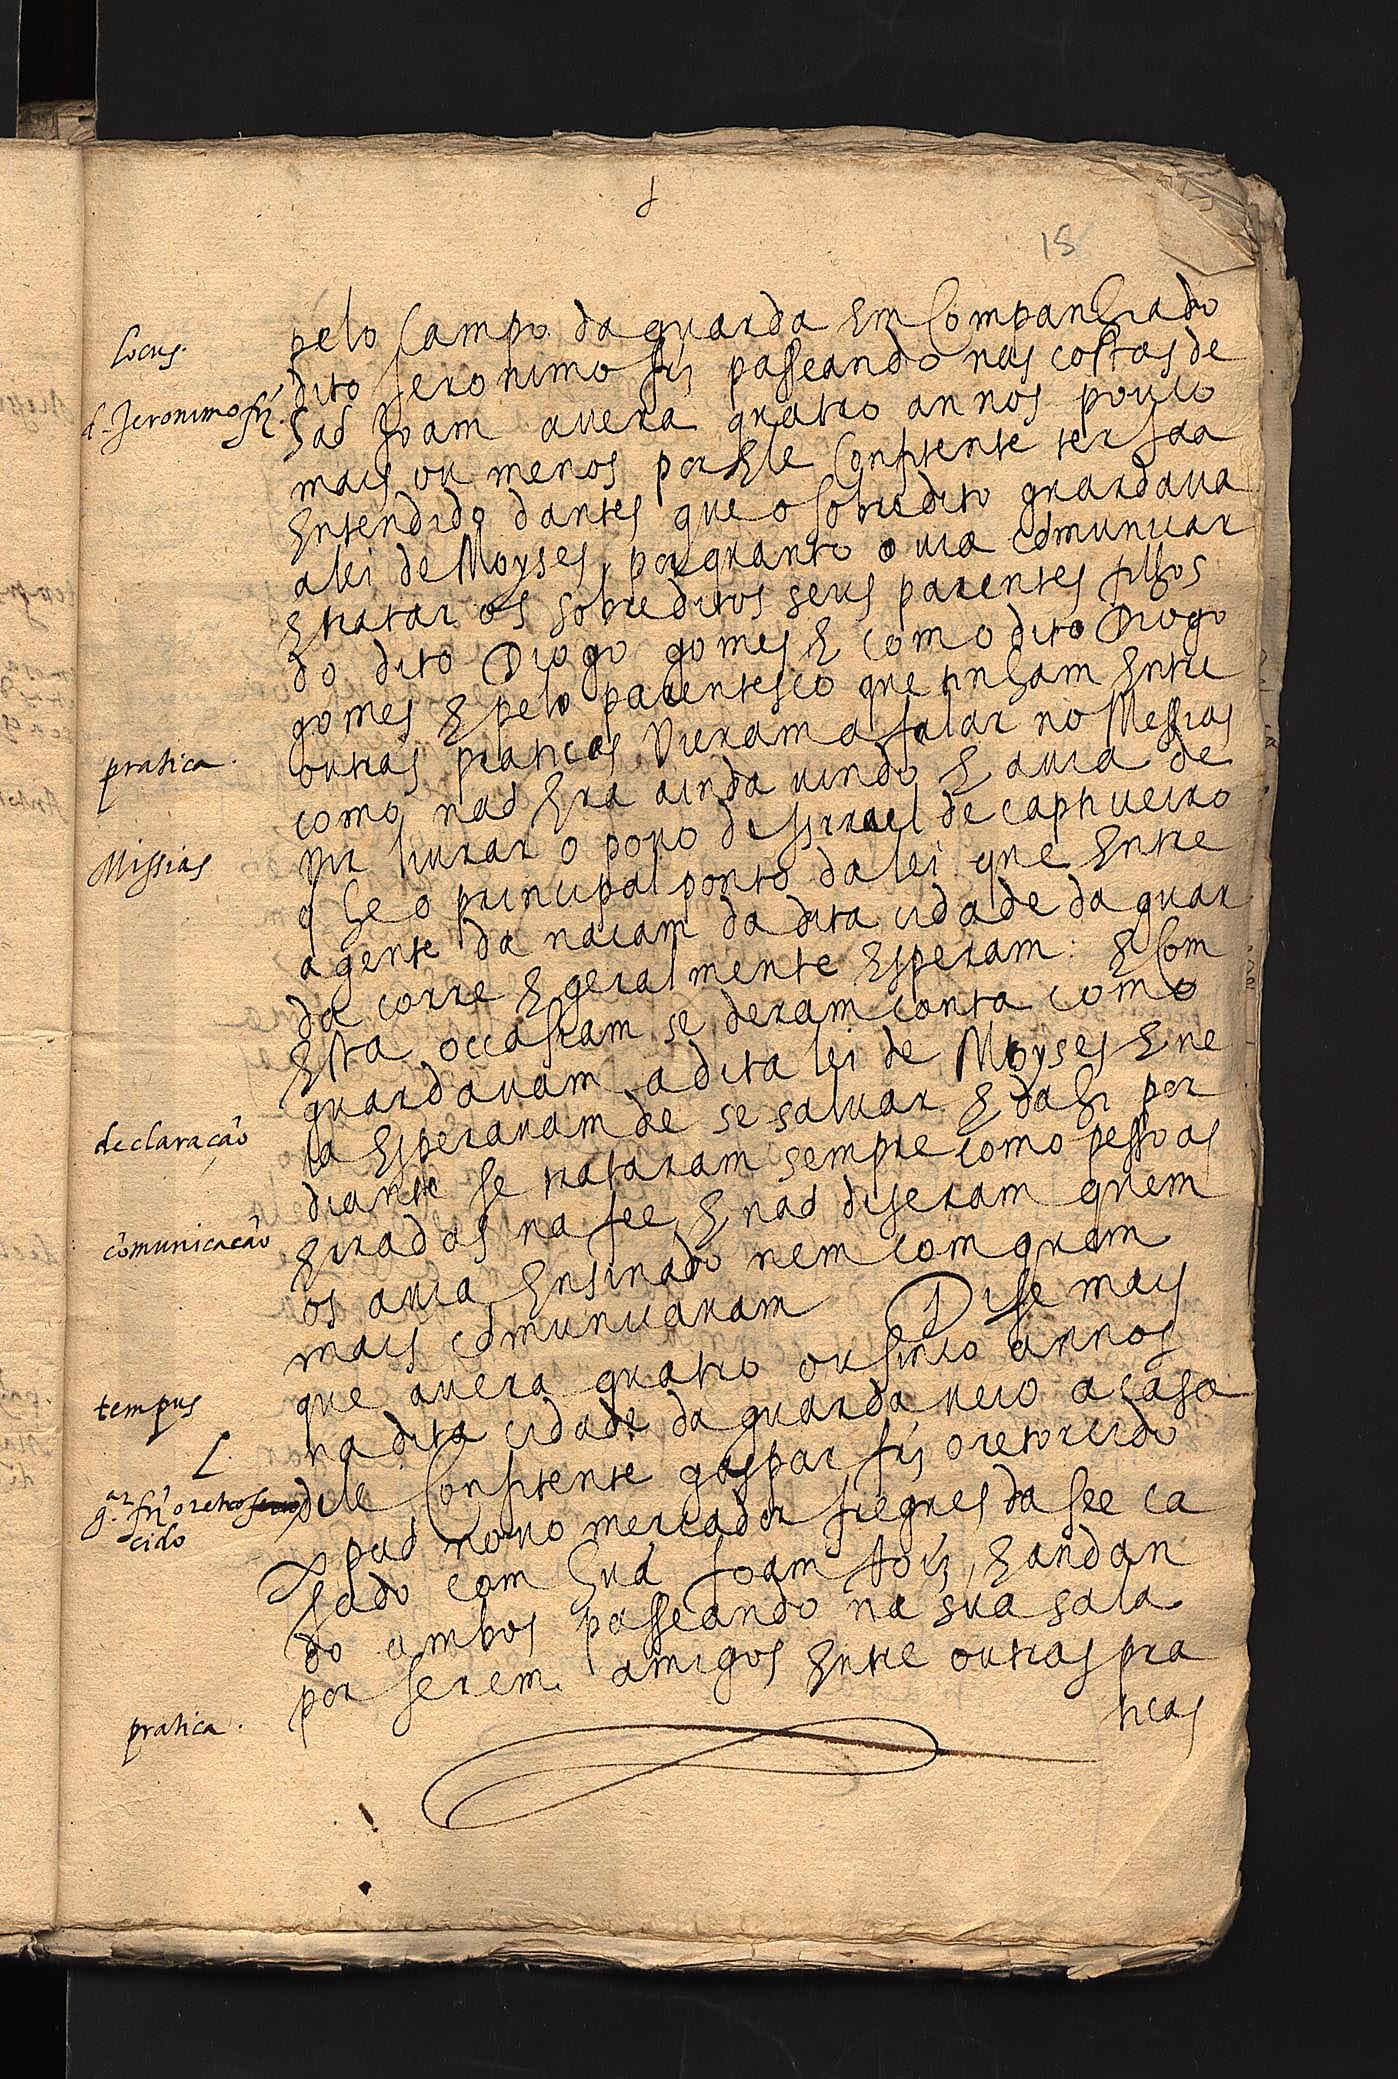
pelo Campo da guarda Em Companhia do
dito Jeronimo frz̄ passeando nas costas de
Saõ Joam auera quatro annos pouco
mais ou menos por Ele Confitente ter Jaa
Entendido dantes que o sobredito guardaua
a lei de Moyses porquanto o uia cōmunicar
E tratar os sobreditos seus parentes filhos
do dito Diogo gomes E com o dito Diogo
gomes E pelo parentesco que tinham Entre
outras praticas Vieram a falar no Messias
como naõ Era ainda uindo E auia de
vir liurar o pouo de Jsrael de captiueiro
q̄ he o principal ponto da lei que Entre
a gente da nacam da dita cidade da guar
da corre E geralmente Esperam: E Com
Esta occasiam se deram conta como
guardauam a dita lei de Moyses E ne
la Esperauam de se saluar E dahi per
diante se trataram sempre como pessoas
Erradas na fee, E naõ diseram quem
os auia Ensinado nem com quem
mais cōmunicauam Dise mais
que auera quatro ou sinco annos
na dita cidade da guarda ueio a casa
dele Confitente gaspar frz̄ o retorcido
xpaõ nouo mercador fregues da see ca
sado com huā foam Roiz̄, E andan
do ambos passeando na sua sala
por serem amigos Entre outras pra
ticas
